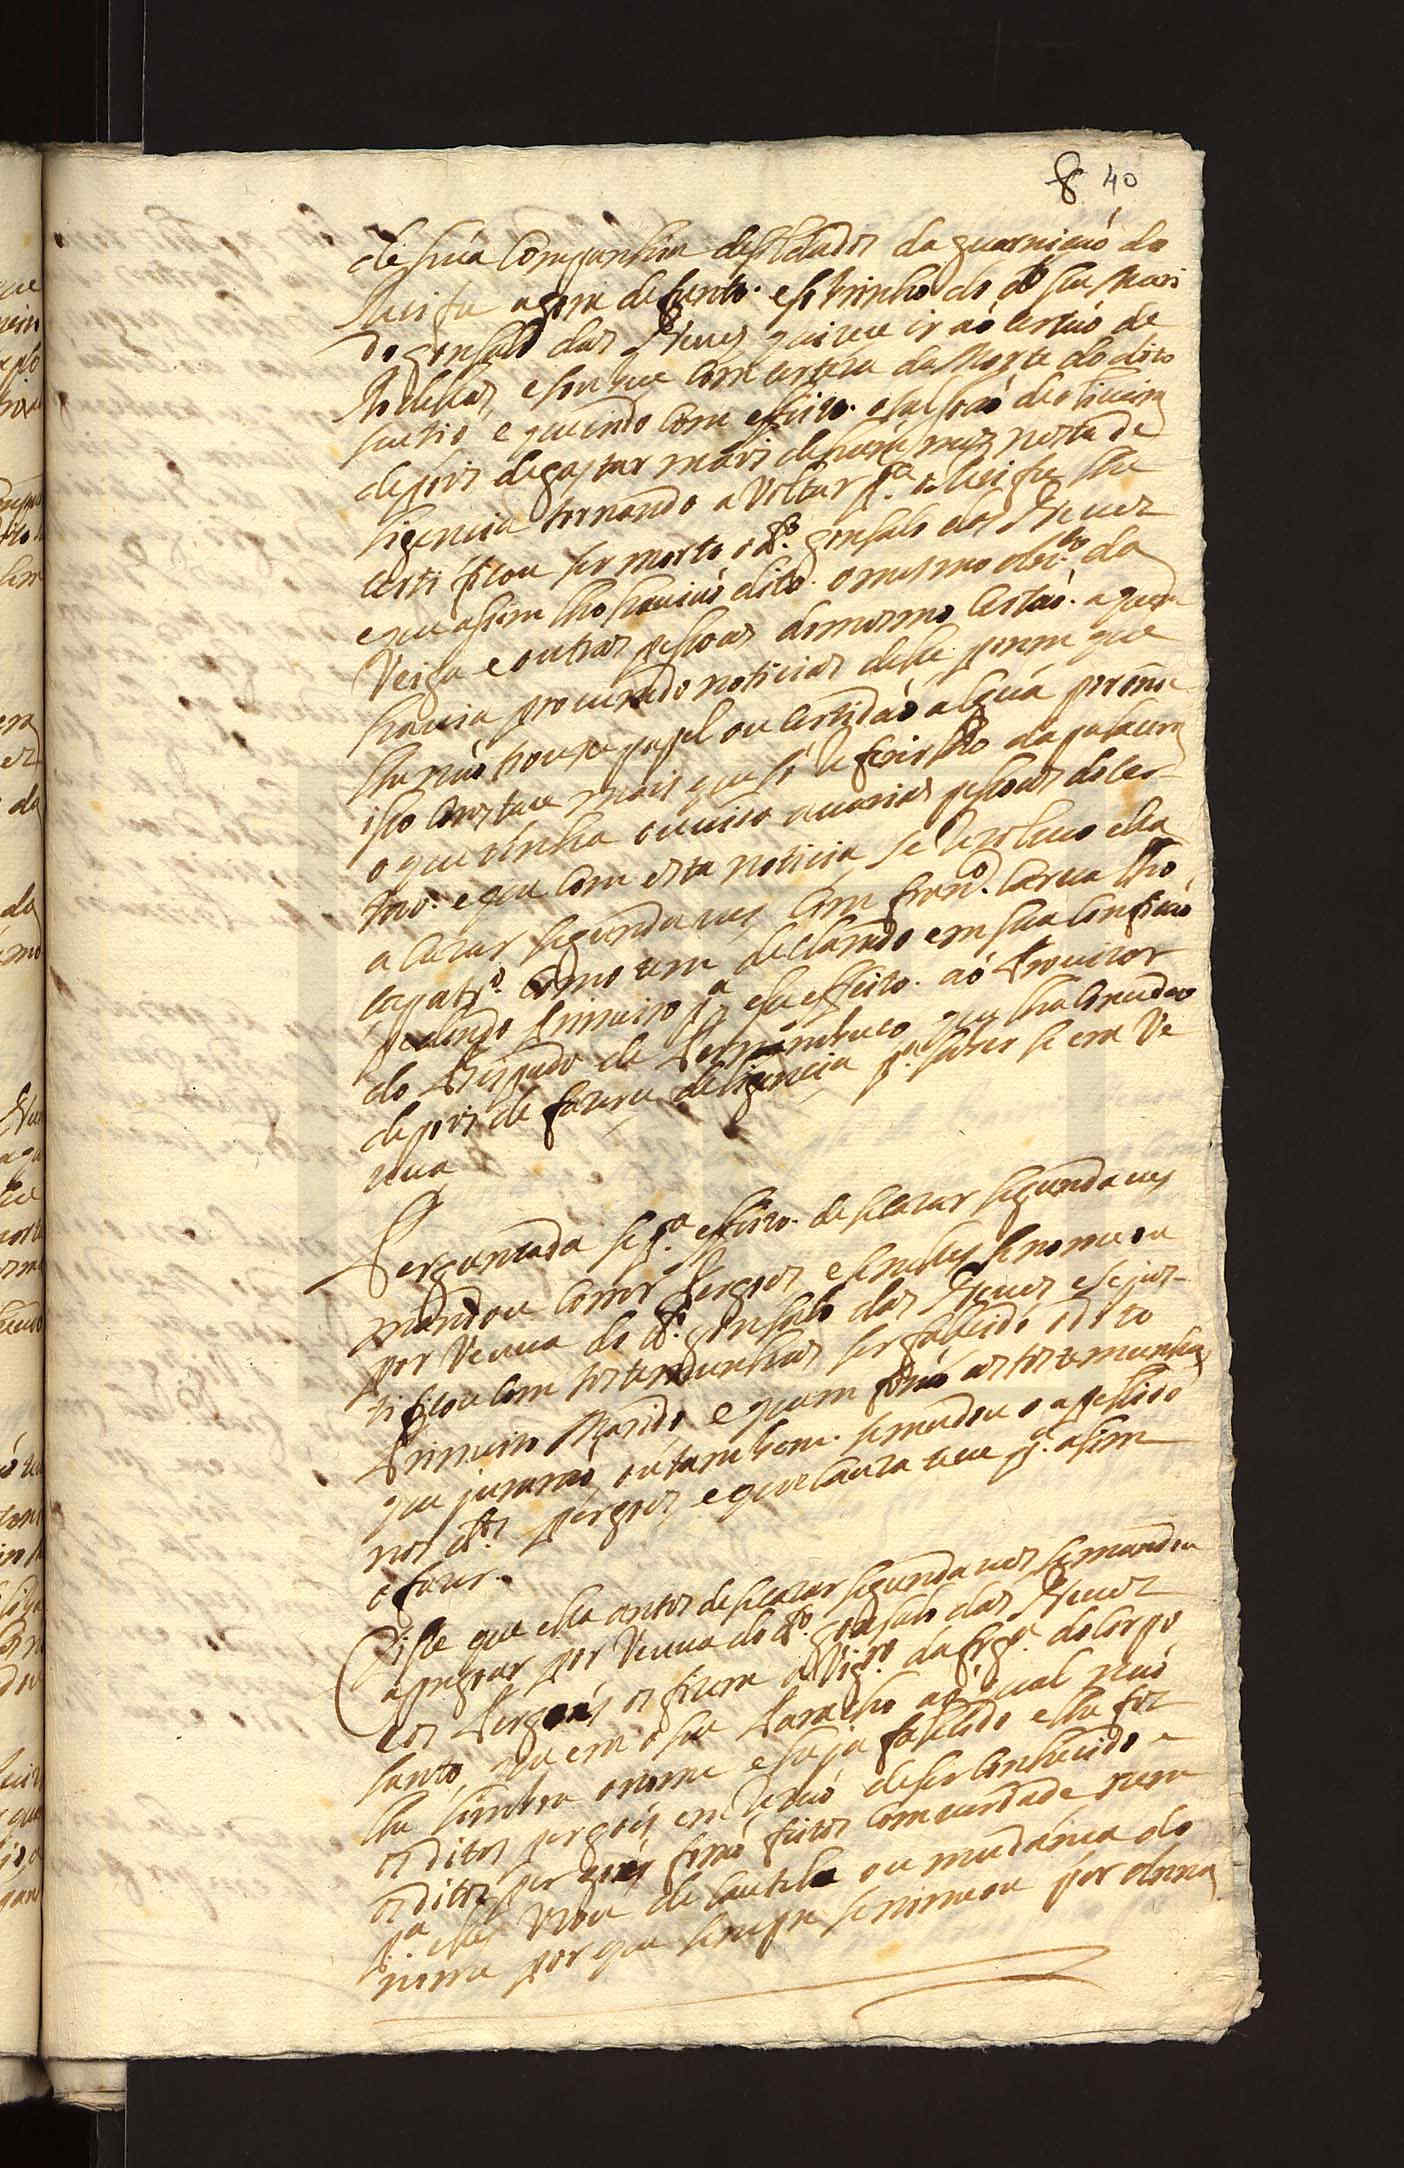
de huā Companhia de Soldados da guarniçaõ do
Recife agora defunto. e sobrinho do d̄o Seu mari
do gonsalo das Neues quizeçe ir ao certão de
Rodellas, e soubeçe com certeza da Morte do dito
seu tio, e que indo com effeito. o tal Joaõ de oliueira
depois de gastar mais de hum mez nesta de
ligencia tornando a voltar p.a o Recife lhe
certificou ser morto o d̄.o gonsalo das Neuez
e que assim lho hauiaõ dito o mesmo An.to da
Veiga e outras pessoas do mesmo certaõ a quem
hauia procurado noticias delle porem que
lhe não trouxe papel ou certidaõ alguā por onde
isso constace mais que só Referirlho da palaura
o que tinha ouuido a uarias pessoas do cer
tao. e que com esta noticia se rezolueo ella
a cazar segunda ues Com franco. Carualho,
Çapatro. como tem declarado em sua conficaõ
pedindo primeiro pa. esse effeito ao Prouizor
do Bispado de Pernambuco que lha concedece
depois de fazerçe deligencia pa. saber se era ve
uua
Perguntada se p.a effeito de se cazar segunda ues
mandou correr pregoes, e se nelles se nomeou
por Veuua do d̄.o gonsalo das Neues, e se jus
tificou com testemunhas ser faleçido o dito
Primeiro Marido, e quem forão as testemunhas
que juraraõ, ou tambem se mudou o apellido
nos d̄.os pergoes, e que cauza teue p.a asim
o fazer.
Disse que ella antes de se cazar segunda uez se mandou
apregoar por Veuua do d̄o. gonsalo das Neuez
e os Pergoes os fizera a Vig.ro da frg.a do Corpo
Santo, que em o seu Paracho ao qual naõ
lhe lembra o nome e haja falecido e lhe fez
os ditos pergoes em Rezaõ de ser conhecido e
os ditos pergoes foraõ feitos com uerdade nem
p.a elle uzou de cautela ou mudança do
nome porque sempre se nomeou por Anna
